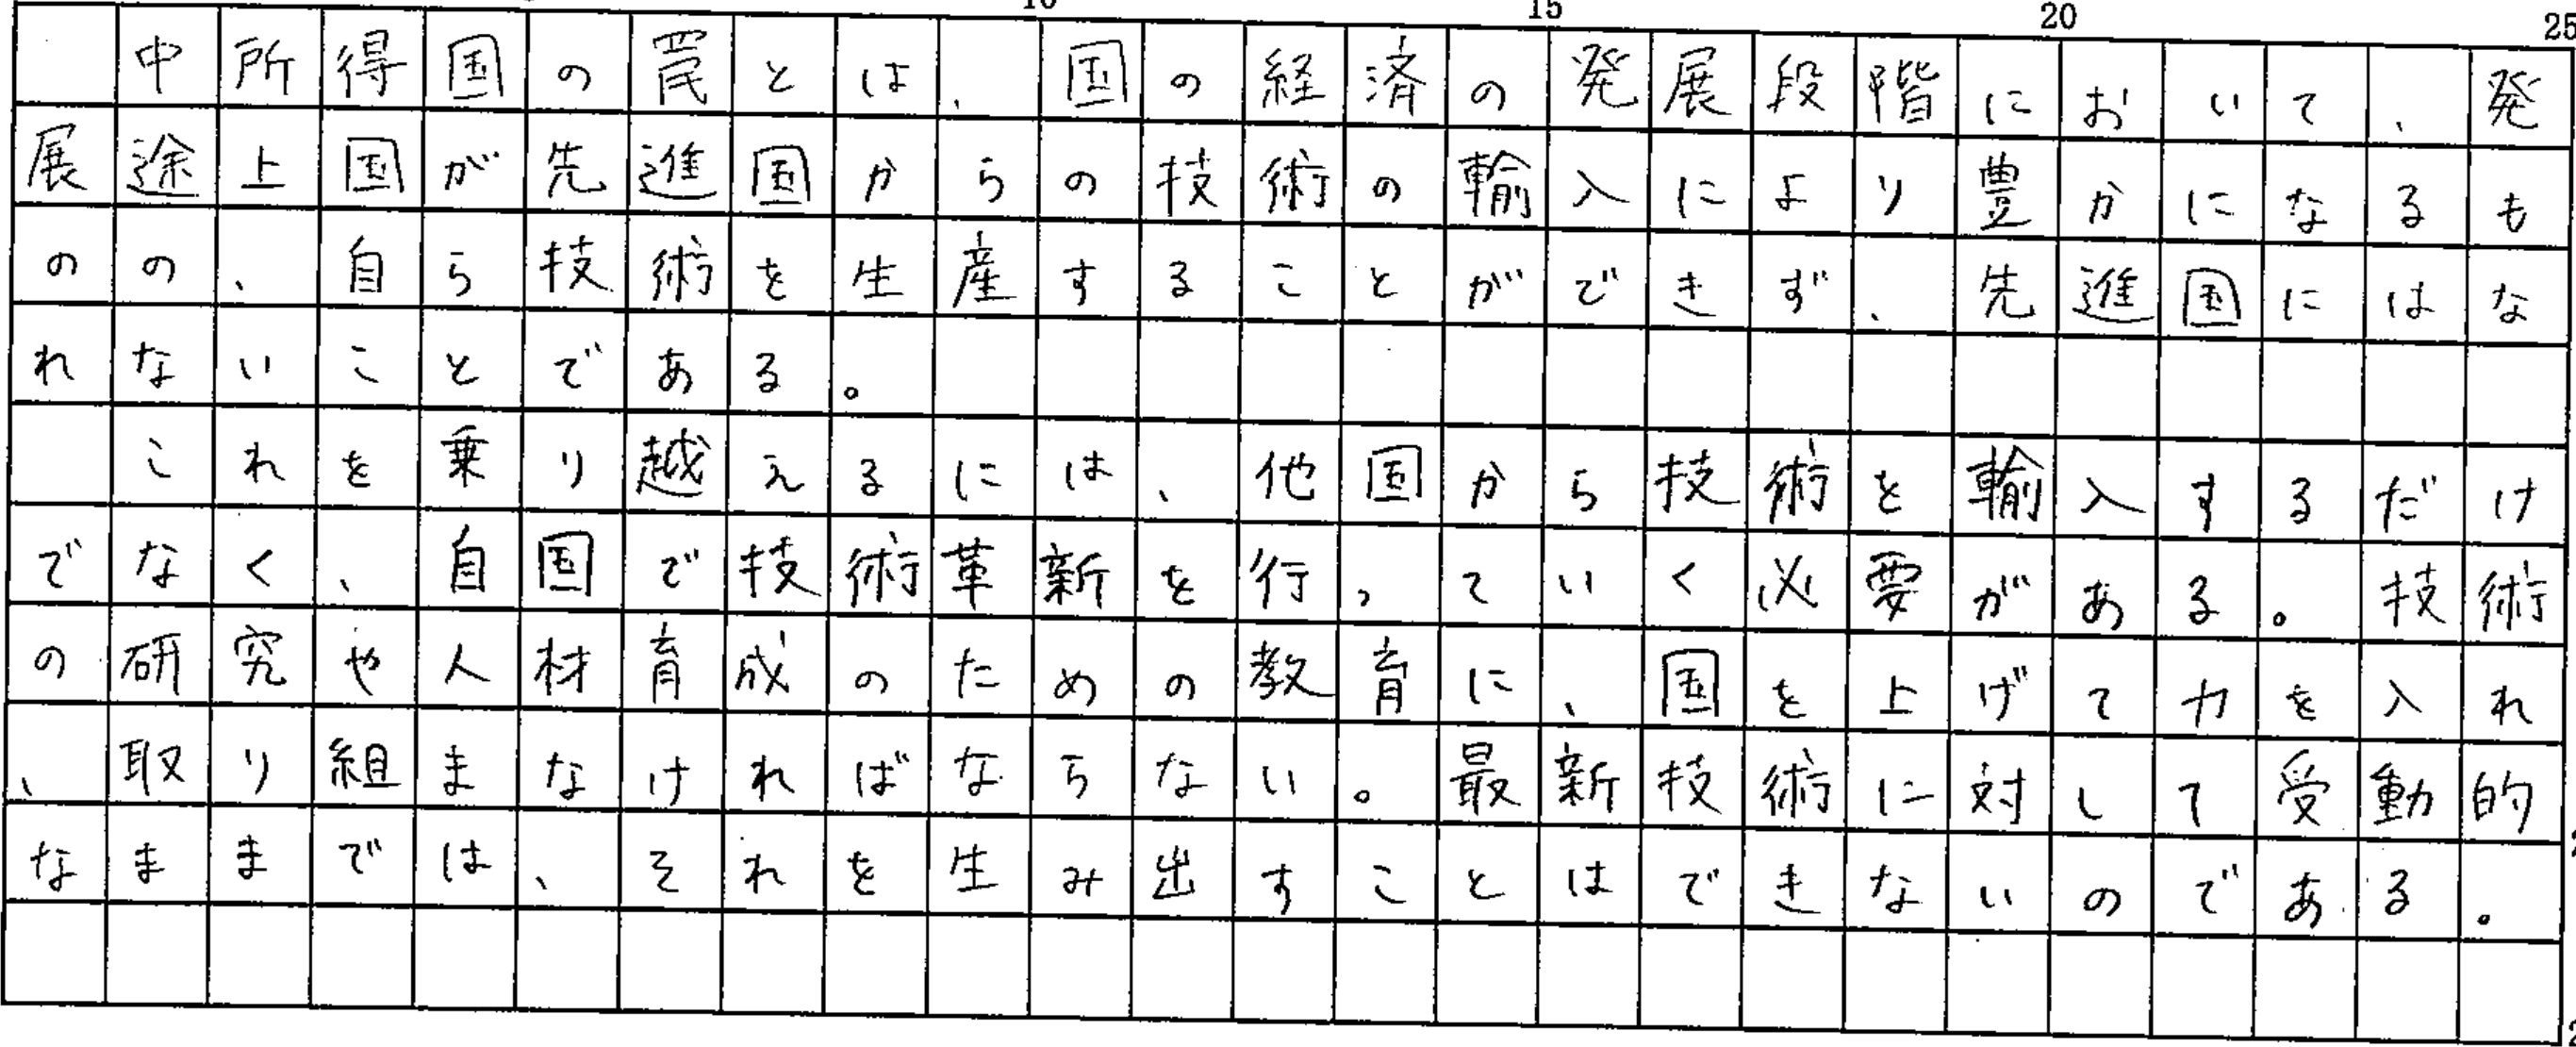　中所得国の罠とは、国の経済の発展段階において、発展途上国が先進国からの技術の輸入により豊かになるものの、自ら技術を生産することができず、先進国にはなれないことである。
　これを乗り越えるには、他国から技術を輸入するだけでなく、自国で技術革新を行っていく必要がある。技術の研究や人材育成のための教育に、国を上げて力を入れ、取り組まなければならない。最新技術に対して受動的なままでは、それを生み出すことはできないのである。
